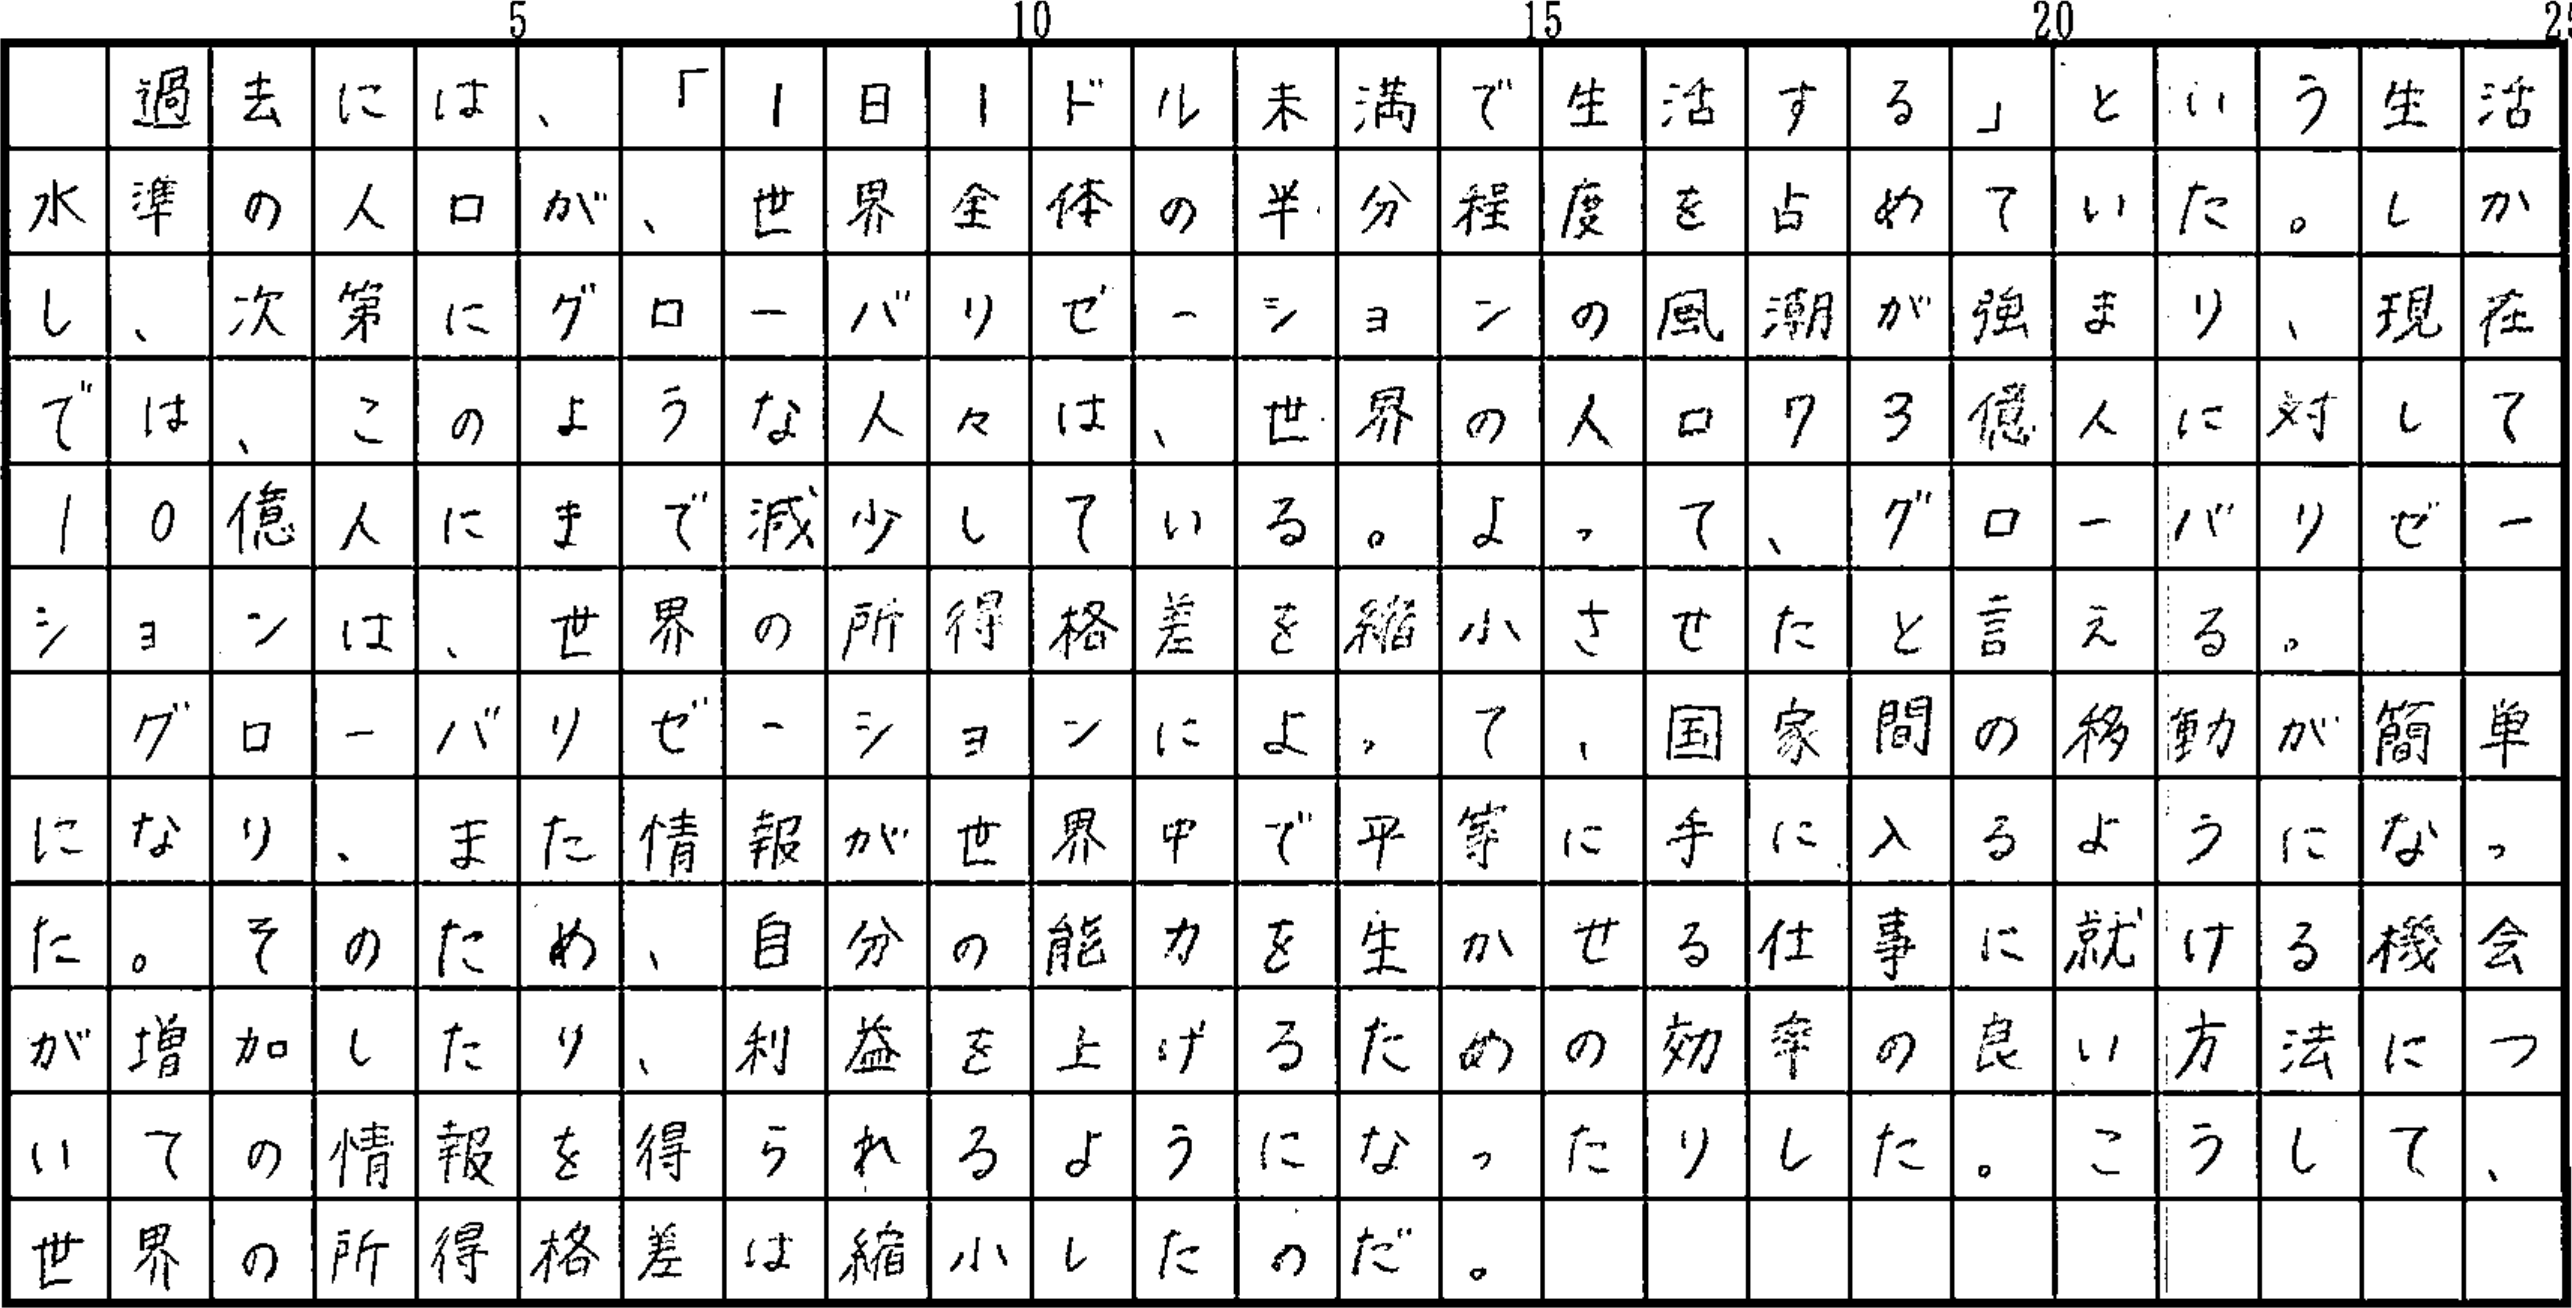　過去には、「１日１ドル未満で生活する」という生活水準の人口が、世界全体の半分程度を占めていた。しかし、次第にグローバリゼーションの風潮が強まり、現在では、このような人々は、世界の人口７３億人に対して１０億人にまで減少している。よって、グローバリゼーションは、世界の所得格差を縮小させたと言える。
　グローバリゼーションによって、国家間の移動が簡単になり、また情報が世界中で平等に手に入るようになった。そのため、自分の能力を生かせる仕事に就ける機会が増加したり、利益を上げるための効率の良い方法についての情報を得られるようになったりした。こうして、世界の所得格差は縮小したのだ。
